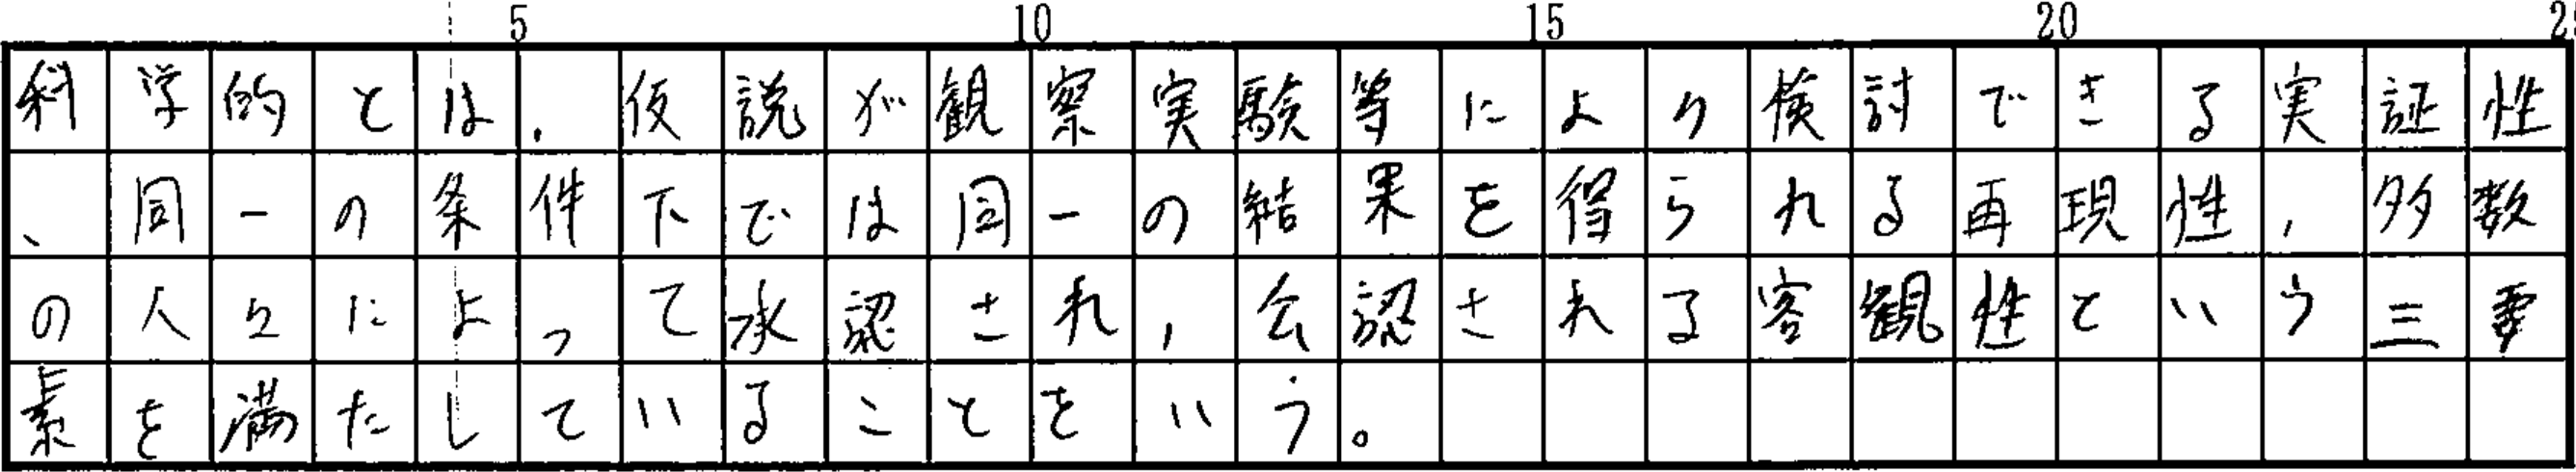科学的とは、仮説が観察実験等により検討できる実証性、同一の条件下では同一の結果を得られる再現性、多数の人々によって承認され、公認される客観性という三要素を満たしていることをいう。
